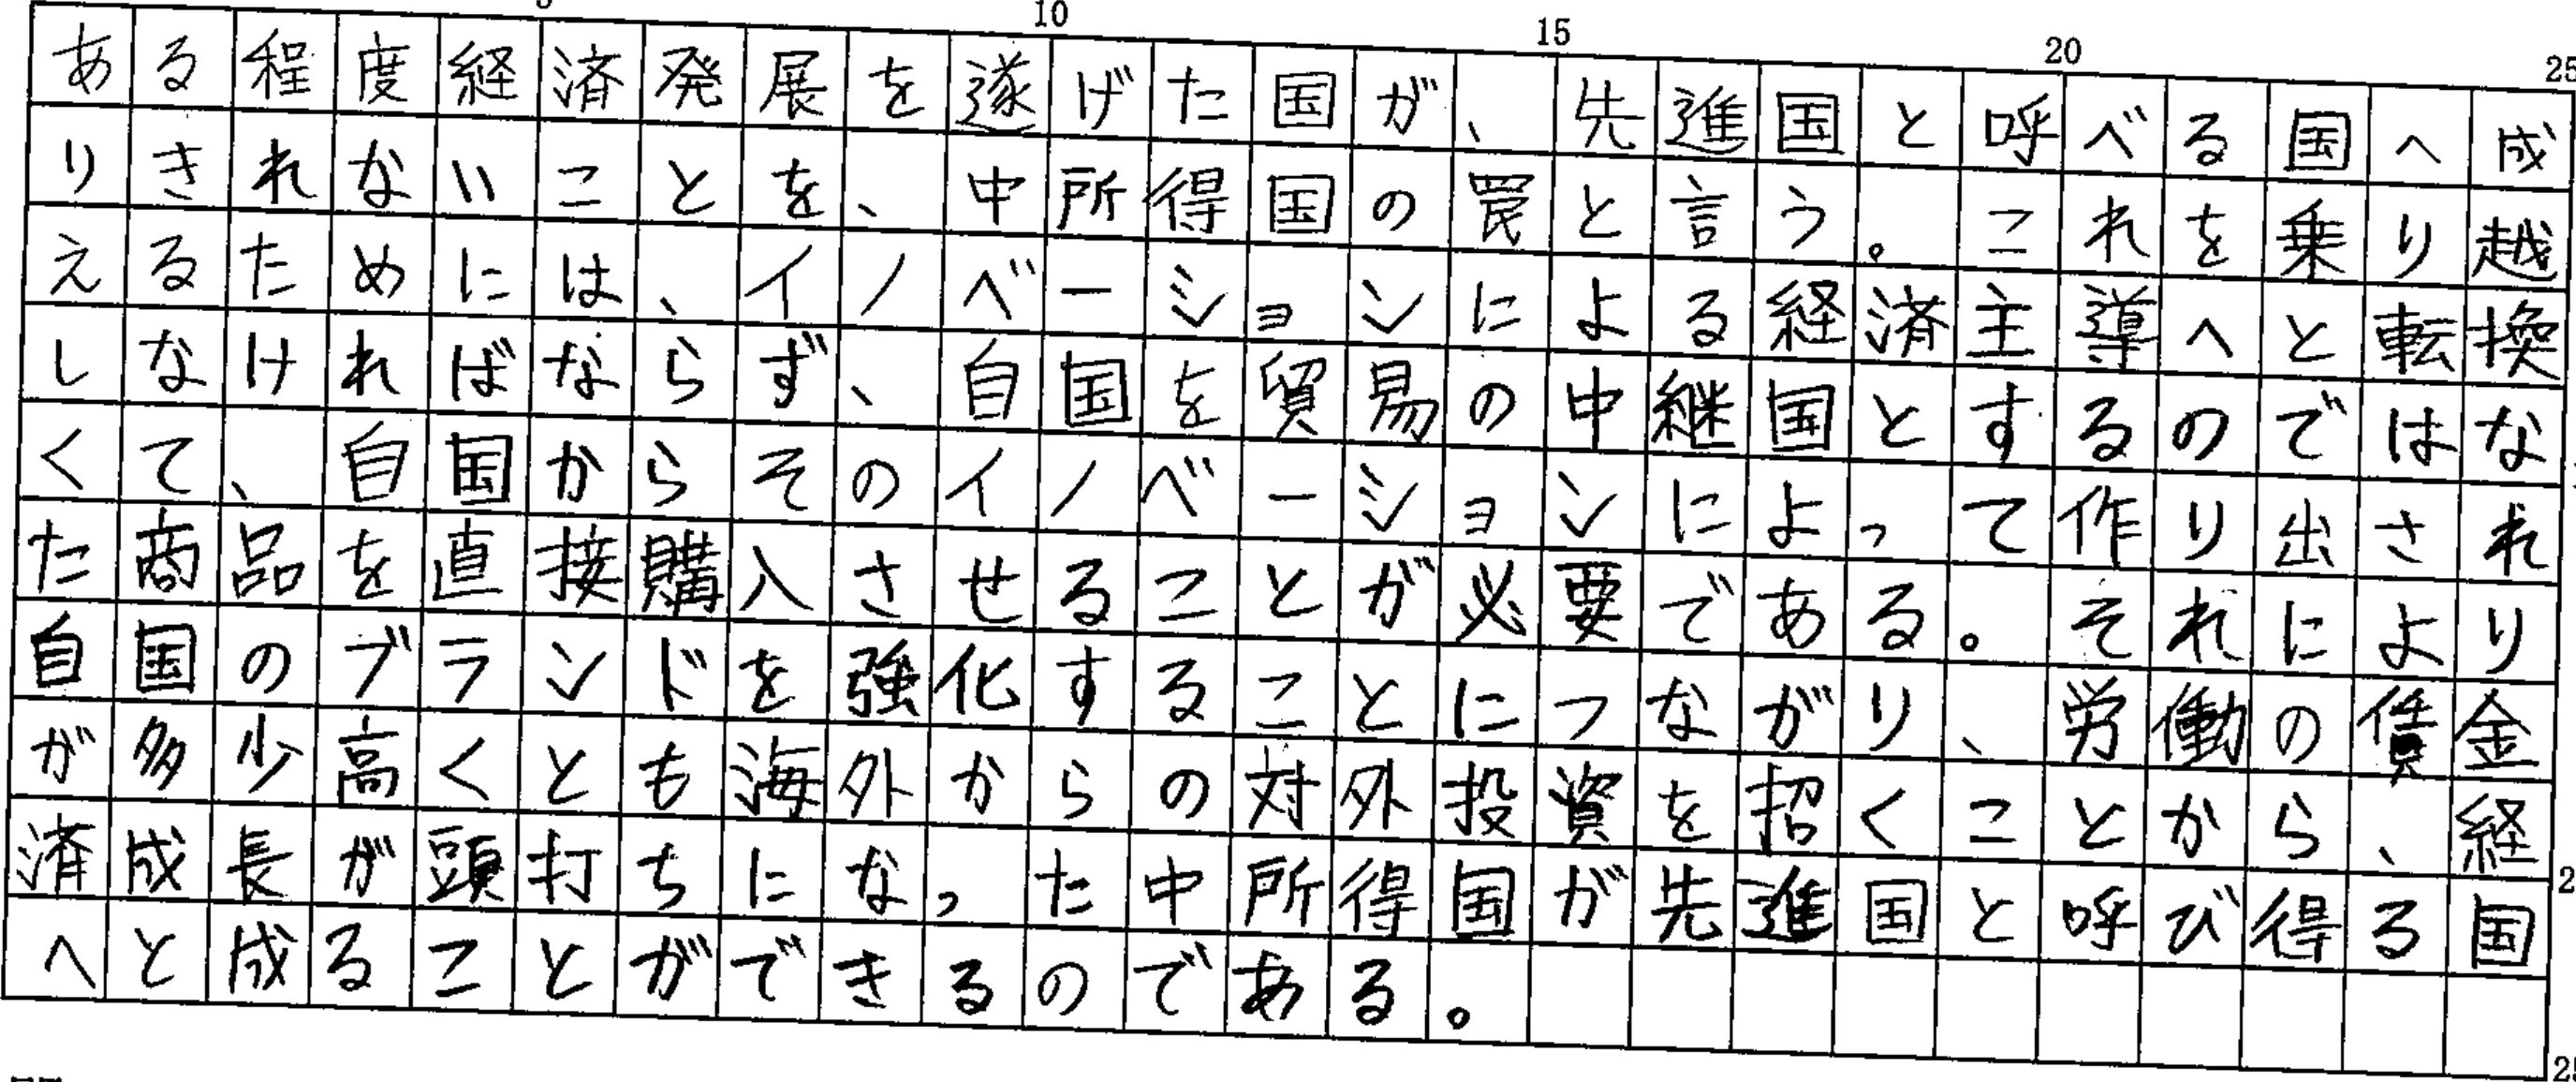ある程度経済発展を遂げた国が、先進国と呼べる国へ成りきれないことを、中所得国の罠と言う。これを乗り越えるためには、イノベーションによる経済主導へと転換しなければならず、自国を貿易の中継国とするのではなくて、自国からそのイノベーションによって作り出された商品を直接購入させることが必要である。それにより自国のブランドを強化することにつながり、労働の賃金が多少高くとも海外からの対外投資を招くことから、経済成長が頭打ちになった中所得国が先進国と呼び得る国へと成ることができるのである。
